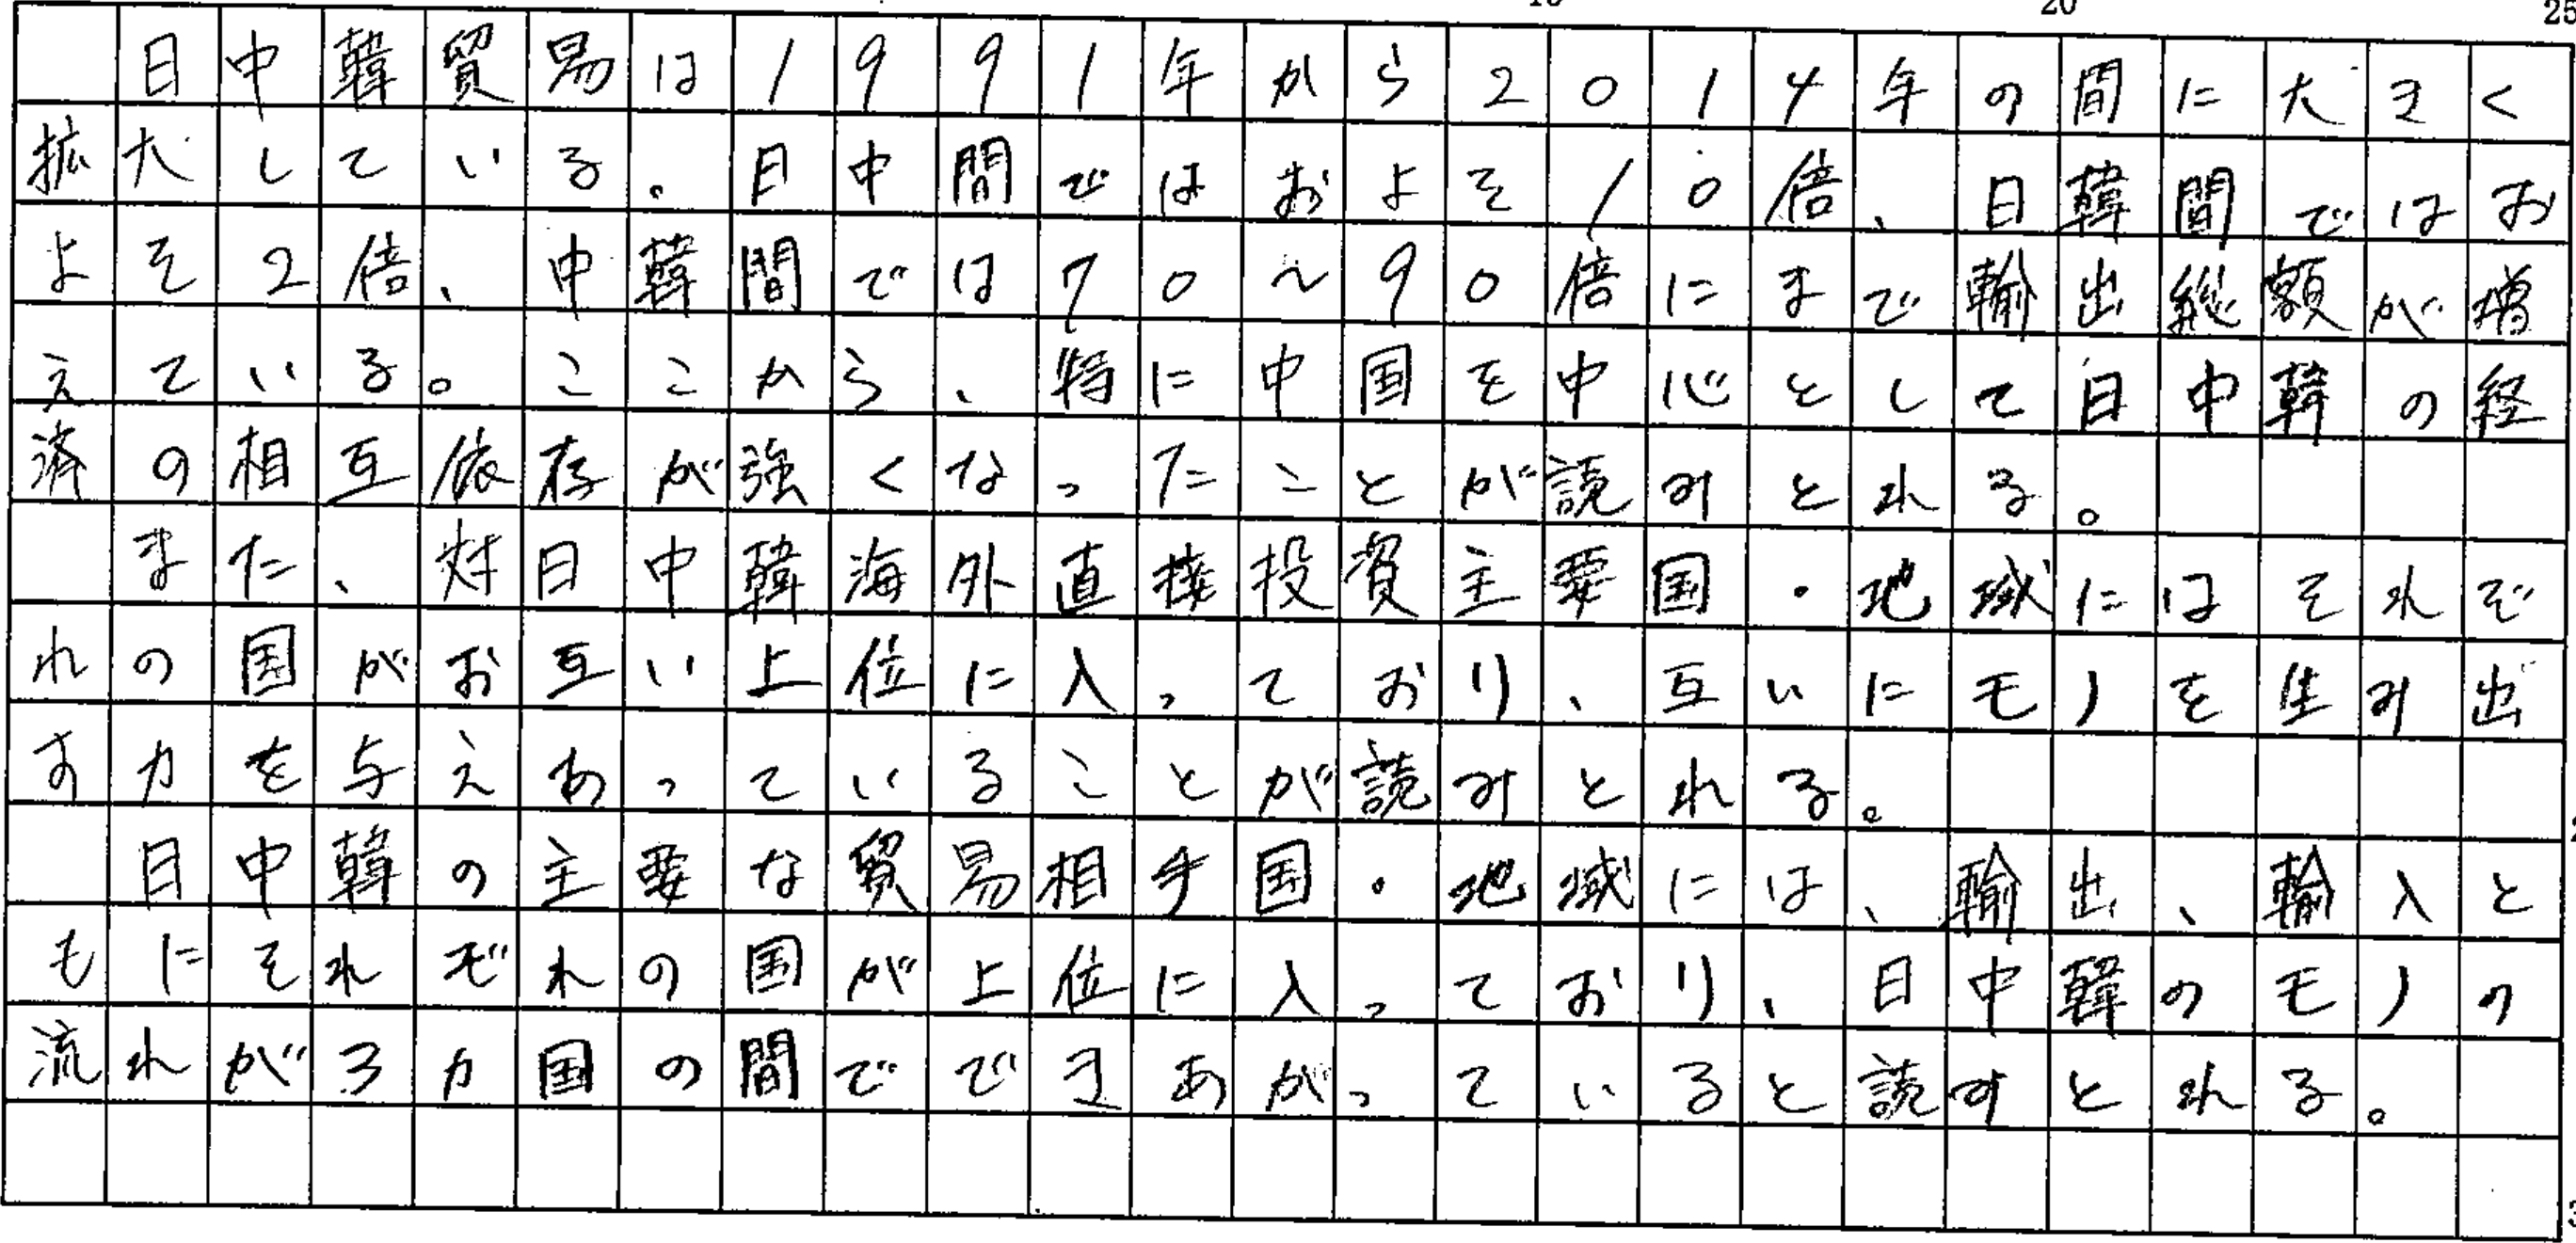　日中韓貿易は１９９１年から２０１４年の間に大きく拡大している。日中間ではおよそ１０倍、日韓間ではおよそ２倍、中韓間では７０～９０倍にまで輸出総額が増えている。ここから、特に中国を中心として日中韓の経済の相互依存が強くなったことが読みとれる。
　また、対日中韓海外直接投資主要国・地域にはそれぞれの国がお互い上位に入っており、互いにモノを生み出す力を与えあっていることが読みとれる。
　日中韓の主要な貿易相手国・地域には、輸出、輸入ともにそれぞれの国が上位に入っており、日中韓のモノの流れが３カ国の間でできあがっていると読みとれる。
